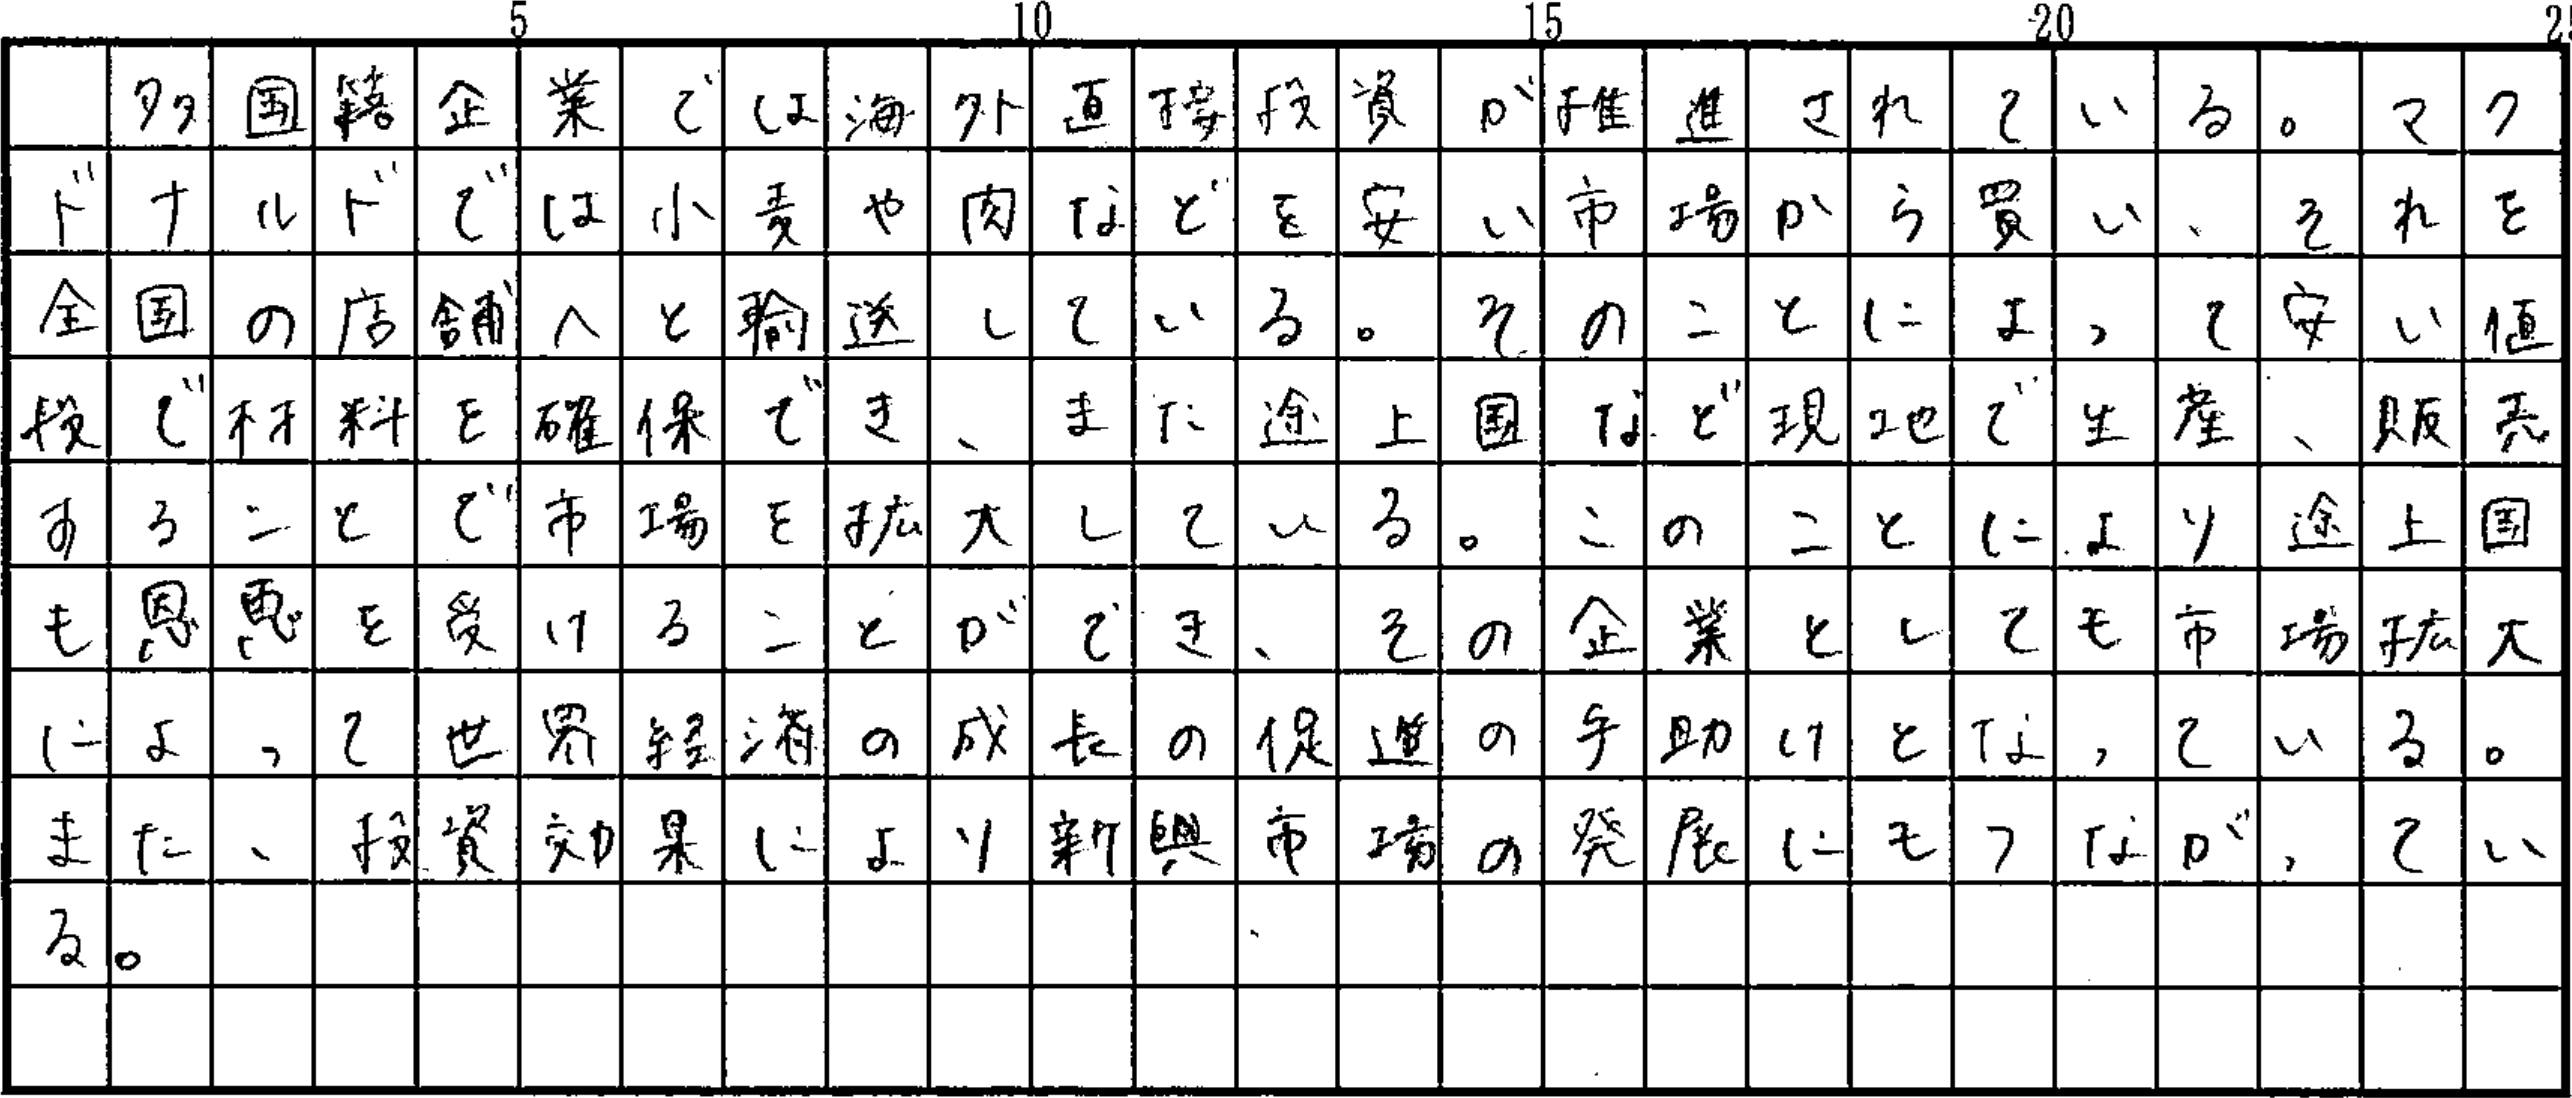　多国籍企業では海外直接投資が推進されている。マクドナルドでは小麦や肉などを安い市場から買い、それを全国の店舗へと輸送している。そのことによって安い値段で材料を確保でき、また途上国など現地で生産、販売することで市場を拡大している。このことにより途上国も恩恵を受けることができ、その企業としても市場拡大によって世界経済の成長の促進の手助けとなっている。また、投資効果により新興市場の発展にもつながっている。
